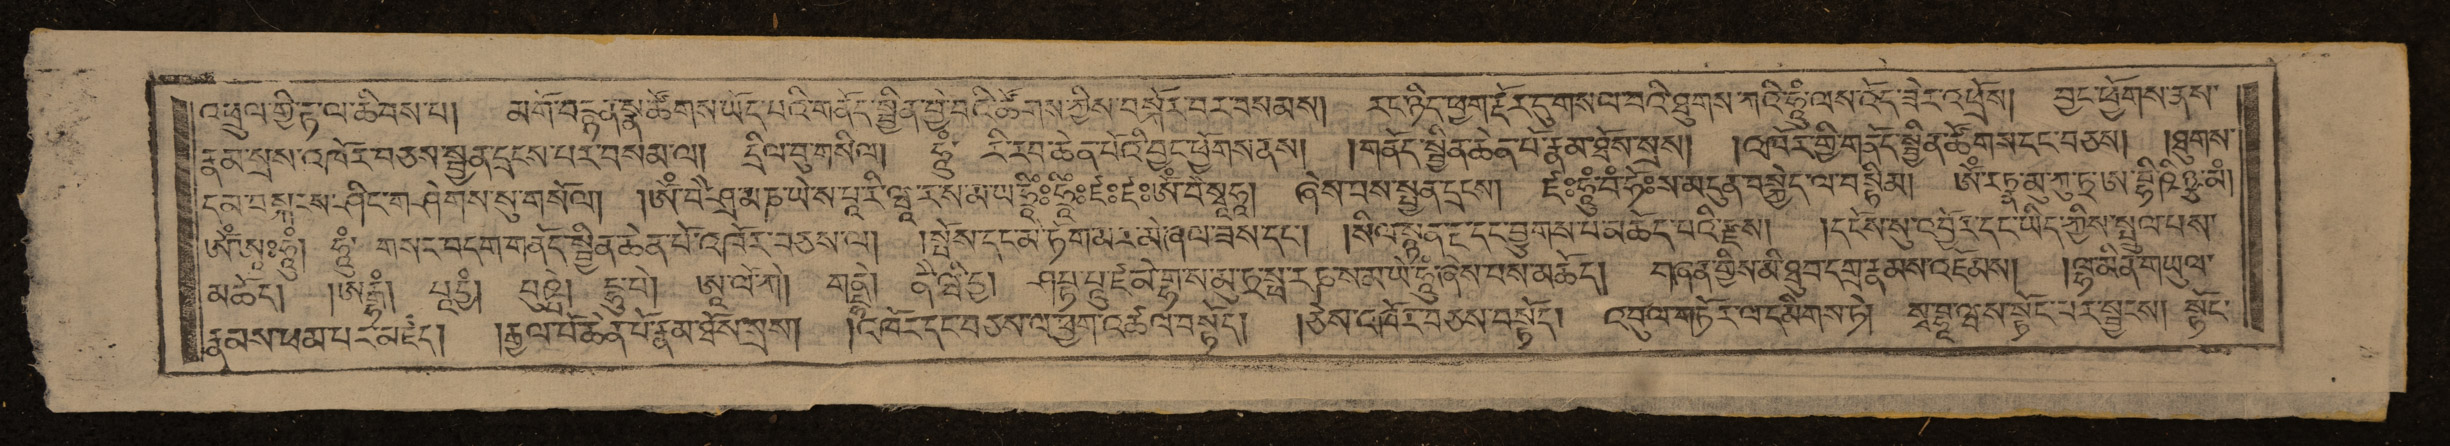འཕྲུལ་གྱི་རྟ་ལ་ཆིབས་པ། མགོ་བརྙན་སྣ་ཚོགས་ཡོད་པའི་གནོད་སྦྱིན་བྱེ་བའི་ཚོགས་ཀྱིས་བསྐོར་བར་བསམས། རང་ཉིད་ཕྱག་རྡོར་དུ་གསལ་བའི་ཐུགས་ཀའི་ཧཱུཾ་ལས་འོད་ཟེར་འཕྲོས། བྱང་ཕྱོགས་ནས་
རྣམ་སྲས་འཁོར་བཅས་སྤྱན་དྲངས་པར་བསམ་ལ། དྲིལ་བུ་གསིལ། ཧཱུཾ་རི་རབ་ཆེན་པོའི་བྱང་ཕྱོགས་ནས། །གནོད་སྦྱིན་ཆེན་པོ་རྣམ་ཐོས་སྲས། །འཁོར་གྱི་གནོད་སྦྱིན་ཚོགས་དང་བཅས། །ཐུགས་
དམ་བསྐངས་ཤིང་གཤེགས་སུ་གསོལ། །ཨོཾ་བཻ་ཤྲ་མ་ཎ་ཡེ་ས་པཱ་རི་ཝཱ་ར་ས་མ་ཡ་ཧྲཱིཾཿཧྲཱིཾཿཛཿཛཿཨོཾ་བཻ་སྭཱཧཱ། ཞེས་པས་སྤྱན་དྲངས། ཛཿཧཱུཾ་བཾ་ཧོཿས་མདུན་བསྐྱེད་ལ་བསྟིམ། ཨོཾ་རཏྣ་མུ་ཀུ་ཏྲ་ཨ་བྷི་ཥིཉྩ་མཾ།
ཨོཾ་ཨཱཿཧཱུཾ། ཧཱུཾ་གསང་བདག་གནོད་སྦྱིན་ཆེན་པོ་འཁོར་བཅས་ལ། །སྤོས་དང་མེ་ཏོག་མར་མེ་ཞལ་ཟས་དང་། །སིལ་སྙན་རྔ་དང་བྱུགས་པ་མཆོད་པའི་རྫས། །དངོས་སུ་འབྱོར་དང་ཡིད་ཀྱིས་སྤྲུལ་པས་
མཆོད། །ཨརྒྷཾ། པཱདྱཾ། པུཥྤེ། དྷུ་པེ། ཨཱ་ལོ་ཀེ། གནྡྷེ། ནཻ་ཝིདྱ། ཤཔྟ་པཱུ་ཛ་མེ་གྷ་ས་མུ་ཏྲ་སྥ་ར་ཎ་ས་མ་ཡེ་ཧཱུཾ་ཞེས་པས་མཆོད། གཞན་གྱིས་མི་ཐུབ་དགྲ་རྣམས་འཇོམས། །ལྷ་མིན་གཡུལ་
རྣམས་ཕམ་པར་མཛད། །རྒྱལ་པོ་ཆེན་པོ་རྣམ་ཐོས་སྲས། །འཁོར་དང་བཅས་ལ་ཕྱག་འཚལ་བསྟོད། །ཅེས་འཁོར་བཅས་བསྟོད། འབུལ་གཏོར་ལ་དམིགས་ཏེ། སྭ་བྷཱ་ཝས་སྟོང་པར་སྦྱངས། །སྟོང་